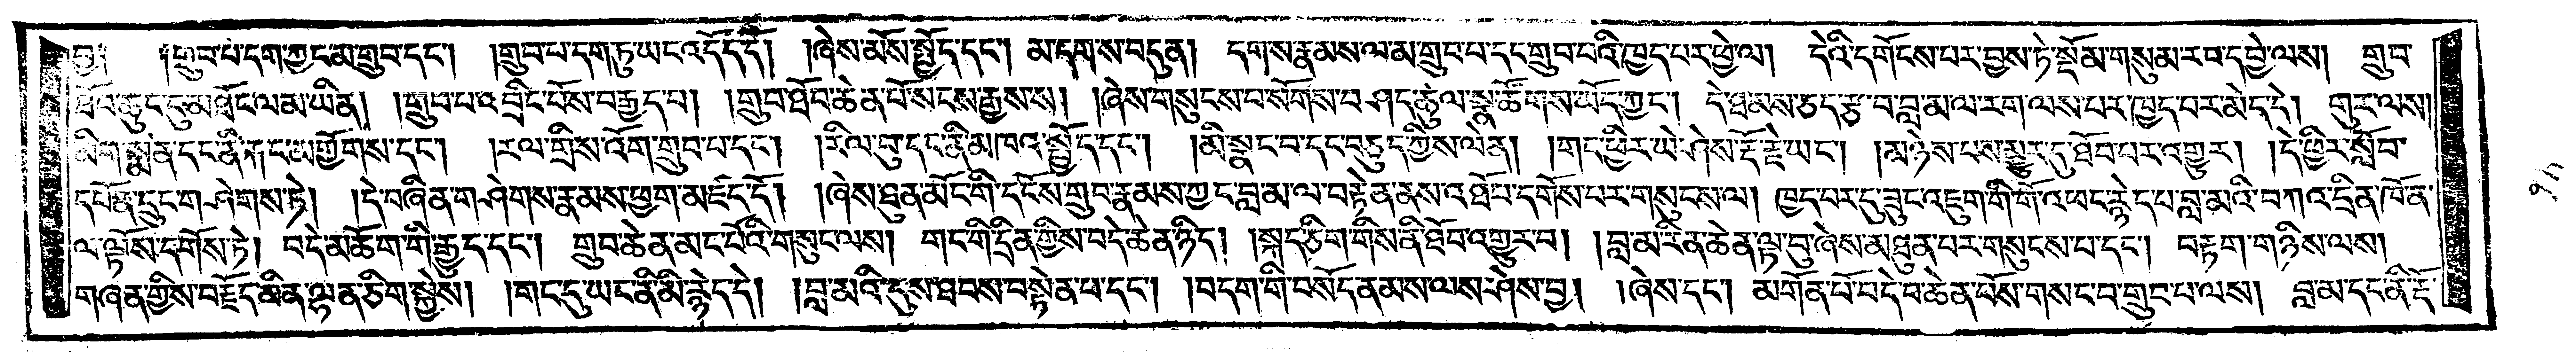བྱ༑ ༑གྲུབ་པ་དག་ཀྱང་མ་གྲུབ་དང་། །གྲུབ་པ་དག་ཏུ་ཡང་འདོད་དོ། །ཞེས་མོས་སྤྱོད་དང་། མདགས་བདུན། དགས་རྣམས་ལམ་གྲུབ་པ་དང་གྲུབ་པའི་ཁྱད་པར་ཕྱེ་ལ། དེའི་དགོངས་པར་བྱས་ཏེ་སྡོམ་གསུམ་རབ་དབྱེ་ལས། གྲུབ་
ཐོབ་ཆུང་དུ་མཐོང་ལམ་ཡིན། །གྲུབ་པ་འབྲོང་པོས་བརྒྱད་པ། །གྲུབ་ཐོབ་ཆེན་པོ་སངས་རྒྱས་སོ། །ཞེས་གསུངས་པ་སོགས་བཤད་ཚུལ་སྣ་ཚོགས་ཡོད་ཀྱང་། དེ་ཐམས་ཅད་རྩ་བ་བླ་མ་ལ་རག་ལས་པར་ཁྱད་པར་མེད་དེ། གུར་ལས།
མིག་སྨན་དང་ནི་རྐང་མགྱོགས་དང་། །རལ་གྲིས་འོག་གྲུབ་པ་དང་། །རིལ་བུ་དང་ནི་མཁའ་སྤྱོད་དང་། །མི་སྣང་བ་དང་བཅུད་ཀྱིས་ལེན། །གང་ཕྱིར་ཡེ་ཤེས་རྡོ་རྗེ་ཡང་། །མཉེས་པས་མྱུར་དུ་ཐོབ་པར་འགྱུར། །དེ་ཕྱིར་སློབ་
དཔོན་དྲུང་གཤེགས་ཏེ། །དེ་བཞིན་གཤེགས་རྣམས་ཕྱག་མཛད་དོ། །ཞེས་ཐུན་མོང་གི་དངོས་གྲུབ་རྣམས་ཀྱང་བླ་མ་ལ་བརྟེན་ནས་འཐོབ་དགོས་པར་གསུངས་ལ། ཁྱད་པར་དུ་ཟུང་འཇུག་གི་གོ་འཕང་རྙེད་པ་བླ་མའི་བཀའ་དྲིན་ཁོ་ན་
ལ་ལྟོས་དགོས་ཏེ། བདེ་མཆོག་གི་རྒྱུད་དང་། གྲུབ་ཆེན་མང་པོའི་གསུང་ལས། གང་གི་དྲིན་གྱིས་བདེ་ཆེན་ཉིད། །སྐད་ཅིག་གིས་ནི་ཐོབ་འགྱུར་བ། །བླ་མ་རིན་ཆེན་ལྟ་བུ་ཞེས་མཐུན་པར་གསུངས་པ་དང་། བརྟག་གཉིས་ལས།
གཞན་གྱིས་བརྗོད་མིན་ལྷན་ཅིག་སྐྱེས། །གང་དུ་ཡང་ནི་མི་རྙེད་དེ། །བླ་མའི་དུས་ཐབས་བསྟེན་པ་དང་། །བདག་གི་བསོད་ནམས་ལས་ཤེས་བྱ། །ཞེས་དང་། མགོན་པོ་བདེ་བ་ཆེན་པོས་གསང་བ་གྲུབ་པ་ལས། བླ་མ་དང་ནི་རྡོ་